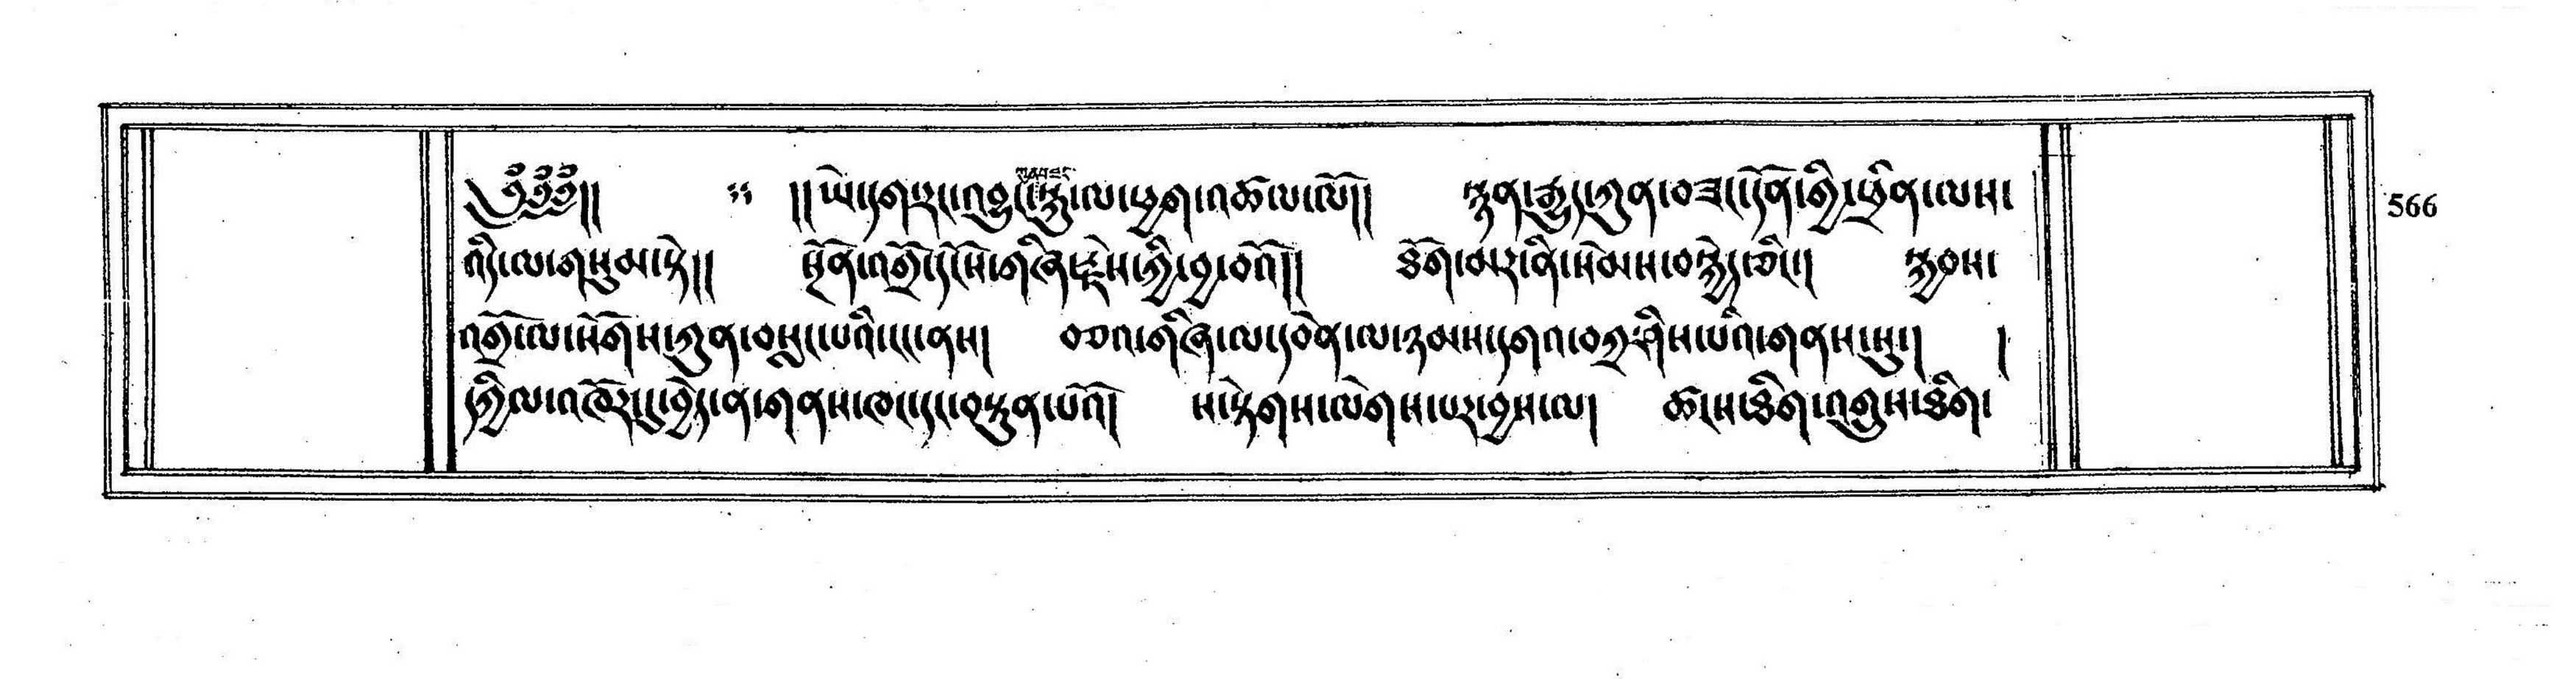༄༅༅།། །།ཡེ་དག་རང་འབྱུང་ཀུན་བཟང་སྐུ་ལ་ཕྱག་འཚལ་ལོ།། སྙན་རྒྱུད་ཀུན་བཟང་དོན་གྱི་ཕྲིན་ལས་
འདི་ལ་གསུམ་སྟེ།། སྔོན་འགྲོ་དངོས་གཞི་རྗེས་ཀྱི་བྱ་བའོ།། ཐོག་མར་ནི་སེམས་བསྐྱེད་ཅིང་། སྐྱབས་
འགྲོ་ལ་སོགས་ཀུན་བསླང་པའི་ངང་ནས། བཅའ་གཞི་ལ་དབེན་ལ་ཉམས་དགའ་བཀྲ་ཤིས་པའི་གནས་སུ། །
དཀྱིལ་འཁོར་དུ་བྱེད་ན་གནས་ཁང་དང་བསྟུན་པའོ། ས་སྟེགས་ལེགས་པར་བྱས་ལ། ཚངས་ཐིག་འགྲུས་ཐིག་